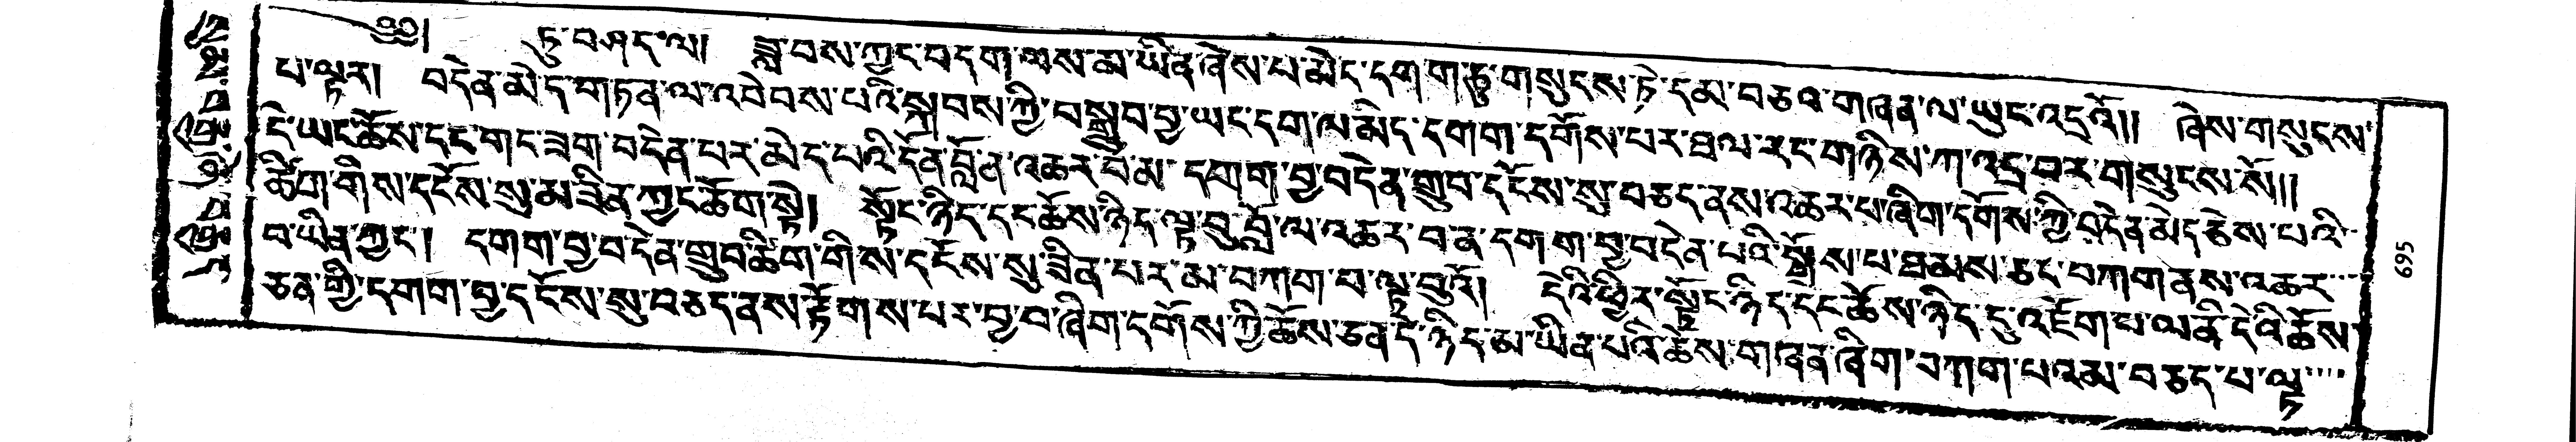༄༅། །ཏུ་བཤད་ལ། ཟླ་བས་ཀྱང་བདག་ལས་མ་ཡིན་ཞེས་པ་མེད་དགག་ཏུ་གསུངས་ཏེ་དམ་བཅའ་གཞན་ལ་ཡུང་འདྲའོ།། ཞེས་གསུངས་
པ་ལྟར། བདེན་མེད་གཏན་ལ་འབེབས་པའི་སྐབས་ཀྱི་བསྒྲུབ་བྱ་ཡང་དག་ལ་མེད་དགག་དགོས་པར་ཐལ་རང་གཉིས་ཀ་འདྲ་བར་གསུངས་སོ།།
དེ་ཡང་ཆོས་དང་གང་ཟག་བདེན་པར་མེད་པའི་དོན་བློ་ན་འཆར་བ་མ་དགག་བྱ་བདེན་གྲུབ་དངོས་སུ་བཅད་ནས་འཆར་པ་ཞིག་དགོས་ཀྱི་བདེན་མེད་ཅེས་པའི་
ཚིག་གིས་དངོས་སུ་མ་ཟིན་ཀྱང་ཆོག་སྟེ། སྟོང་ཉིད་དང་ཆོས་ཉིད་ལྟ་བུ་བློ་ལ་འཆར་བ་ན་དགག་བྱ་བདེན་པའི་སྒྲོས་པ་ཐམས་ཅད་བཀག་ནས་འཆར་
བ་ཡིན་ཀྱང་། དགག་བྱ་བདེན་གྲུབ་ཚིག་གིས་དངོས་སུ་ཟིན་པར་མ་བཀག་པ་ལྟ་བུའོ། དེའི་ཕྱིར་སྟོང་ཉིད་དང་ཆོས་ཉིད་དུ་འཇོག་པ་ལ་ནི་དེའི་ཆོས་
ཅན་གྱི་དགག་བྱ་དངོས་སུ་བཅད་ནས་རྟོགས་པར་བྱ་བ་ཞིག་དགོས་ཀྱི་ཆོས་ཅན་དེ་ཉིད་མ་ཡིན་པའི་ཆོས་གཞན་ཞིག་བཀག་པའམ་བཅད་པ་ལྟ་